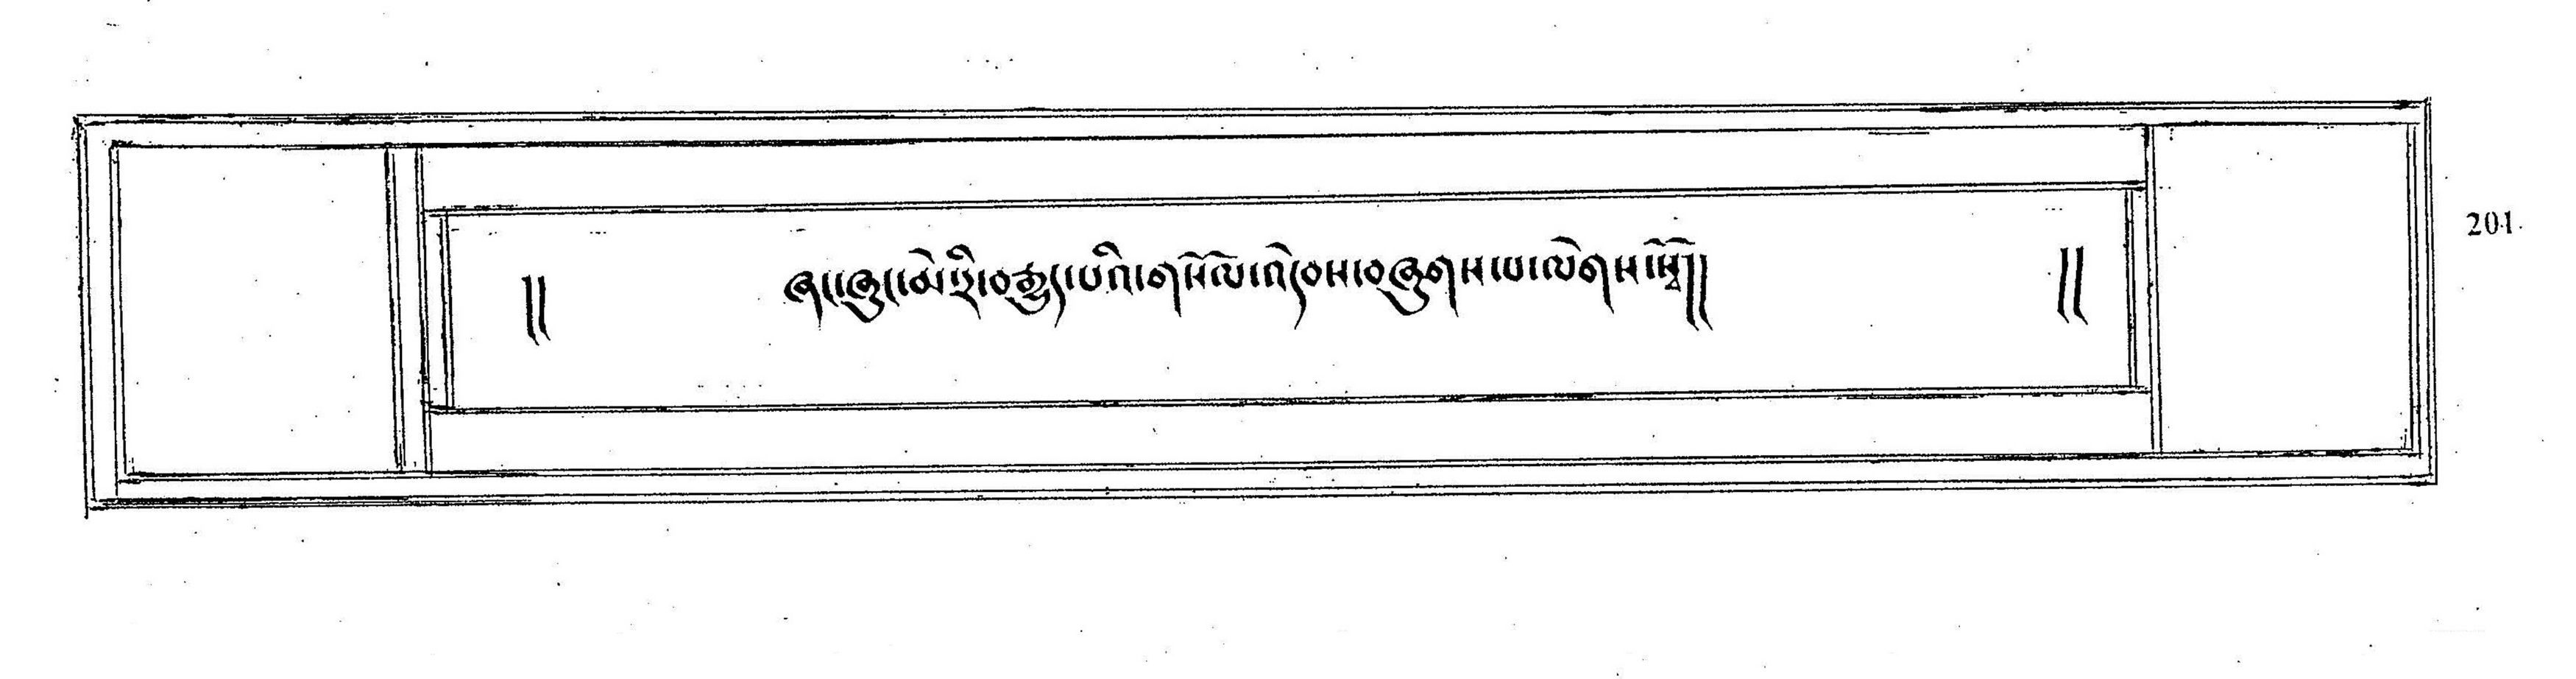།། ཞང་ཞུང་མེ་རི་བརྒྱུད་པའི་གསོལ་འདེབས་བཞུགས་པ་ལེགས་སྭོ།།